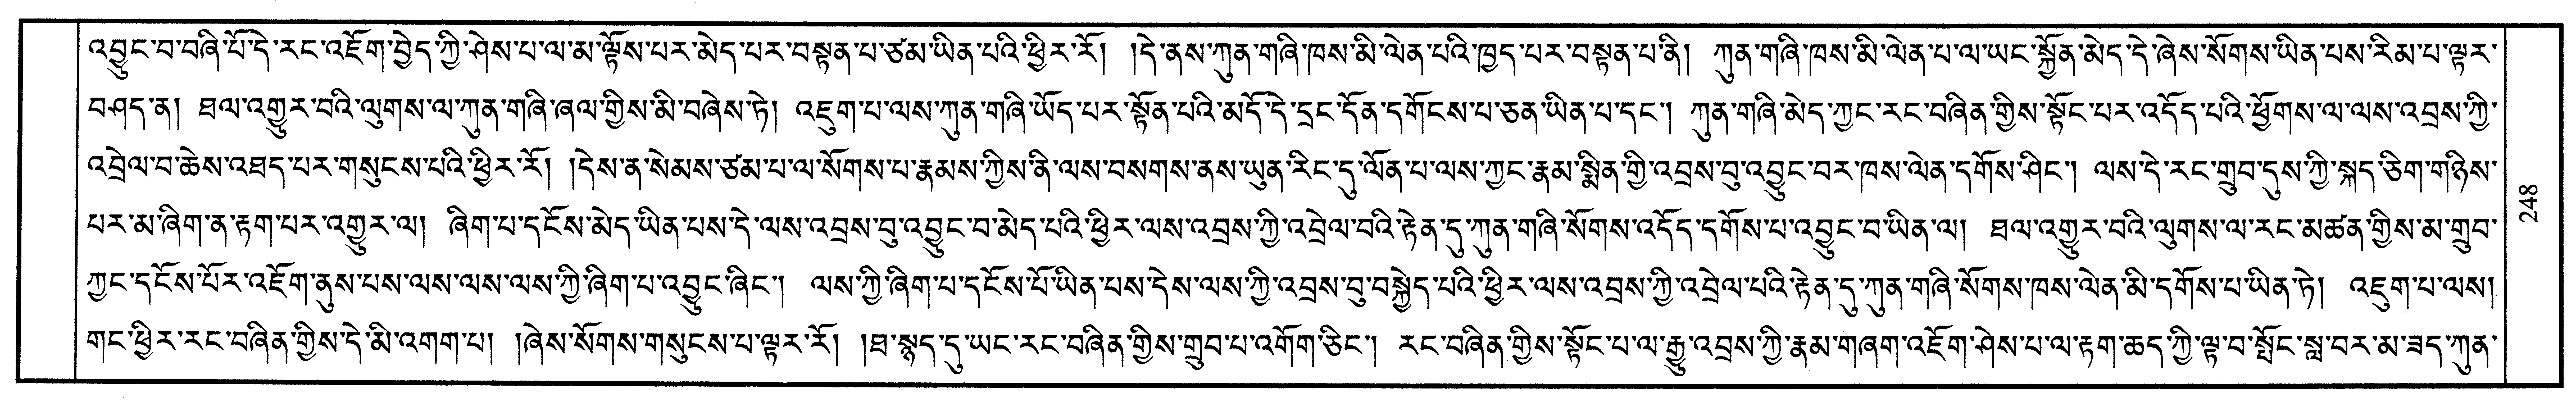འབྱུང་བ་བཞི་པོ་དེ་རང་འཇོག་བྱེད་ཀྱི་ཤེས་པ་ལ་མ་ལྟོས་པར་མེད་པར་བསྟན་པ་ཙམ་ཡིན་པའི་ཕྱིར་རོ། །དེ་ནས་ཀུན་གཞི་ཁས་མི་ལེན་པའི་ཁྱད་པར་བསྟན་པ་ནི། ཀུན་གཞི་ཁས་མི་ལེན་པ་ལ་ཡང་སྐྱོན་མེད་དེ་ཞེས་སོགས་ཡིན་པས་རིམ་པ་ལྟར་
བཤད་ན། ཐལ་འགྱུར་བའི་ལུགས་ལ་ཀུན་གཞི་ཞལ་གྱིས་མི་བཞེས་ཏེ། འཇུག་པ་ལས་ཀུན་གཞི་ཡོད་པར་སྟོན་པའི་མདོ་དེ་དྲང་དོན་དགོངས་པ་ཅན་ཡིན་པ་དང་། ཀུན་གཞི་མེད་ཀྱང་རང་བཞིན་གྱིས་སྟོང་པར་འདོད་པའི་ཕྱོགས་ལ་ལས་འབྲས་ཀྱི་
འབྲེལ་བ་ཆེས་འཐད་པར་གསུངས་པའི་ཕྱིར་རོ། །དེས་ན་སེམས་ཙམ་པ་ལ་སོགས་པ་རྣམས་ཀྱིས་ནི་ལས་བསགས་ནས་ཡུན་རིང་དུ་ལོན་པ་ལས་ཀྱང་རྣམ་སྨིན་གྱི་འབྲས་བུ་འབྱུང་བར་ཁས་ལེན་དགོས་ཤིང་། ལས་དེ་རང་གྲུབ་དུས་ཀྱི་སྐད་ཅིག་གཉིས་
པར་མ་ཞིག་ན་རྟག་པར་འགྱུར་ལ། ཞིག་པ་དངོས་མེད་ཡིན་པས་དེ་ལས་འབྲས་བུ་འབྱུང་བ་མེད་པའི་ཕྱིར་ལས་འབྲས་ཀྱི་འབྲེལ་བའི་རྟེན་དུ་ཀུན་གཞི་སོགས་འདོད་དགོས་པ་འབྱུང་བ་ཡིན་ལ། ཐལ་འགྱུར་བའི་ལུགས་ལ་རང་མཚན་གྱིས་མ་གྲུབ་
ཀྱང་དངོས་པོར་འཇོག་ནུས་པས་ལས་ལས་ལས་ཀྱི་ཞིག་པ་འབྱུང་ཞིང་། ལས་ཀྱི་ཞིག་པ་དངོས་པོ་ཡིན་པས་དེས་ལས་ཀྱི་འབྲས་བུ་བསྐྱེད་པའི་ཕྱིར་ལས་འབྲས་ཀྱི་འབྲེལ་པའི་རྟེན་དུ་ཀུན་གཞི་སོགས་ཁས་ལེན་མི་དགོས་པ་ཡིན་ཏེ། འཇུག་པ་ལས།
གང་ཕྱིར་རང་བཞིན་གྱིས་དེ་མི་འགག་པ། །ཞེས་སོགས་གསུངས་པ་ལྟར་རོ། །ཐ་སྙད་དུ་ཡང་རང་བཞིན་གྱིས་གྲུབ་པ་འགོག་ཅིང་། རང་བཞིན་གྱིས་སྟོང་པ་ལ་རྒྱུ་འབྲས་ཀྱི་རྣམ་གཞག་འཇོག་ཤེས་པ་ལ་རྟག་ཆད་ཀྱི་ལྟ་བ་སྤོང་སླ་བར་མ་ཟད་ཀུན་